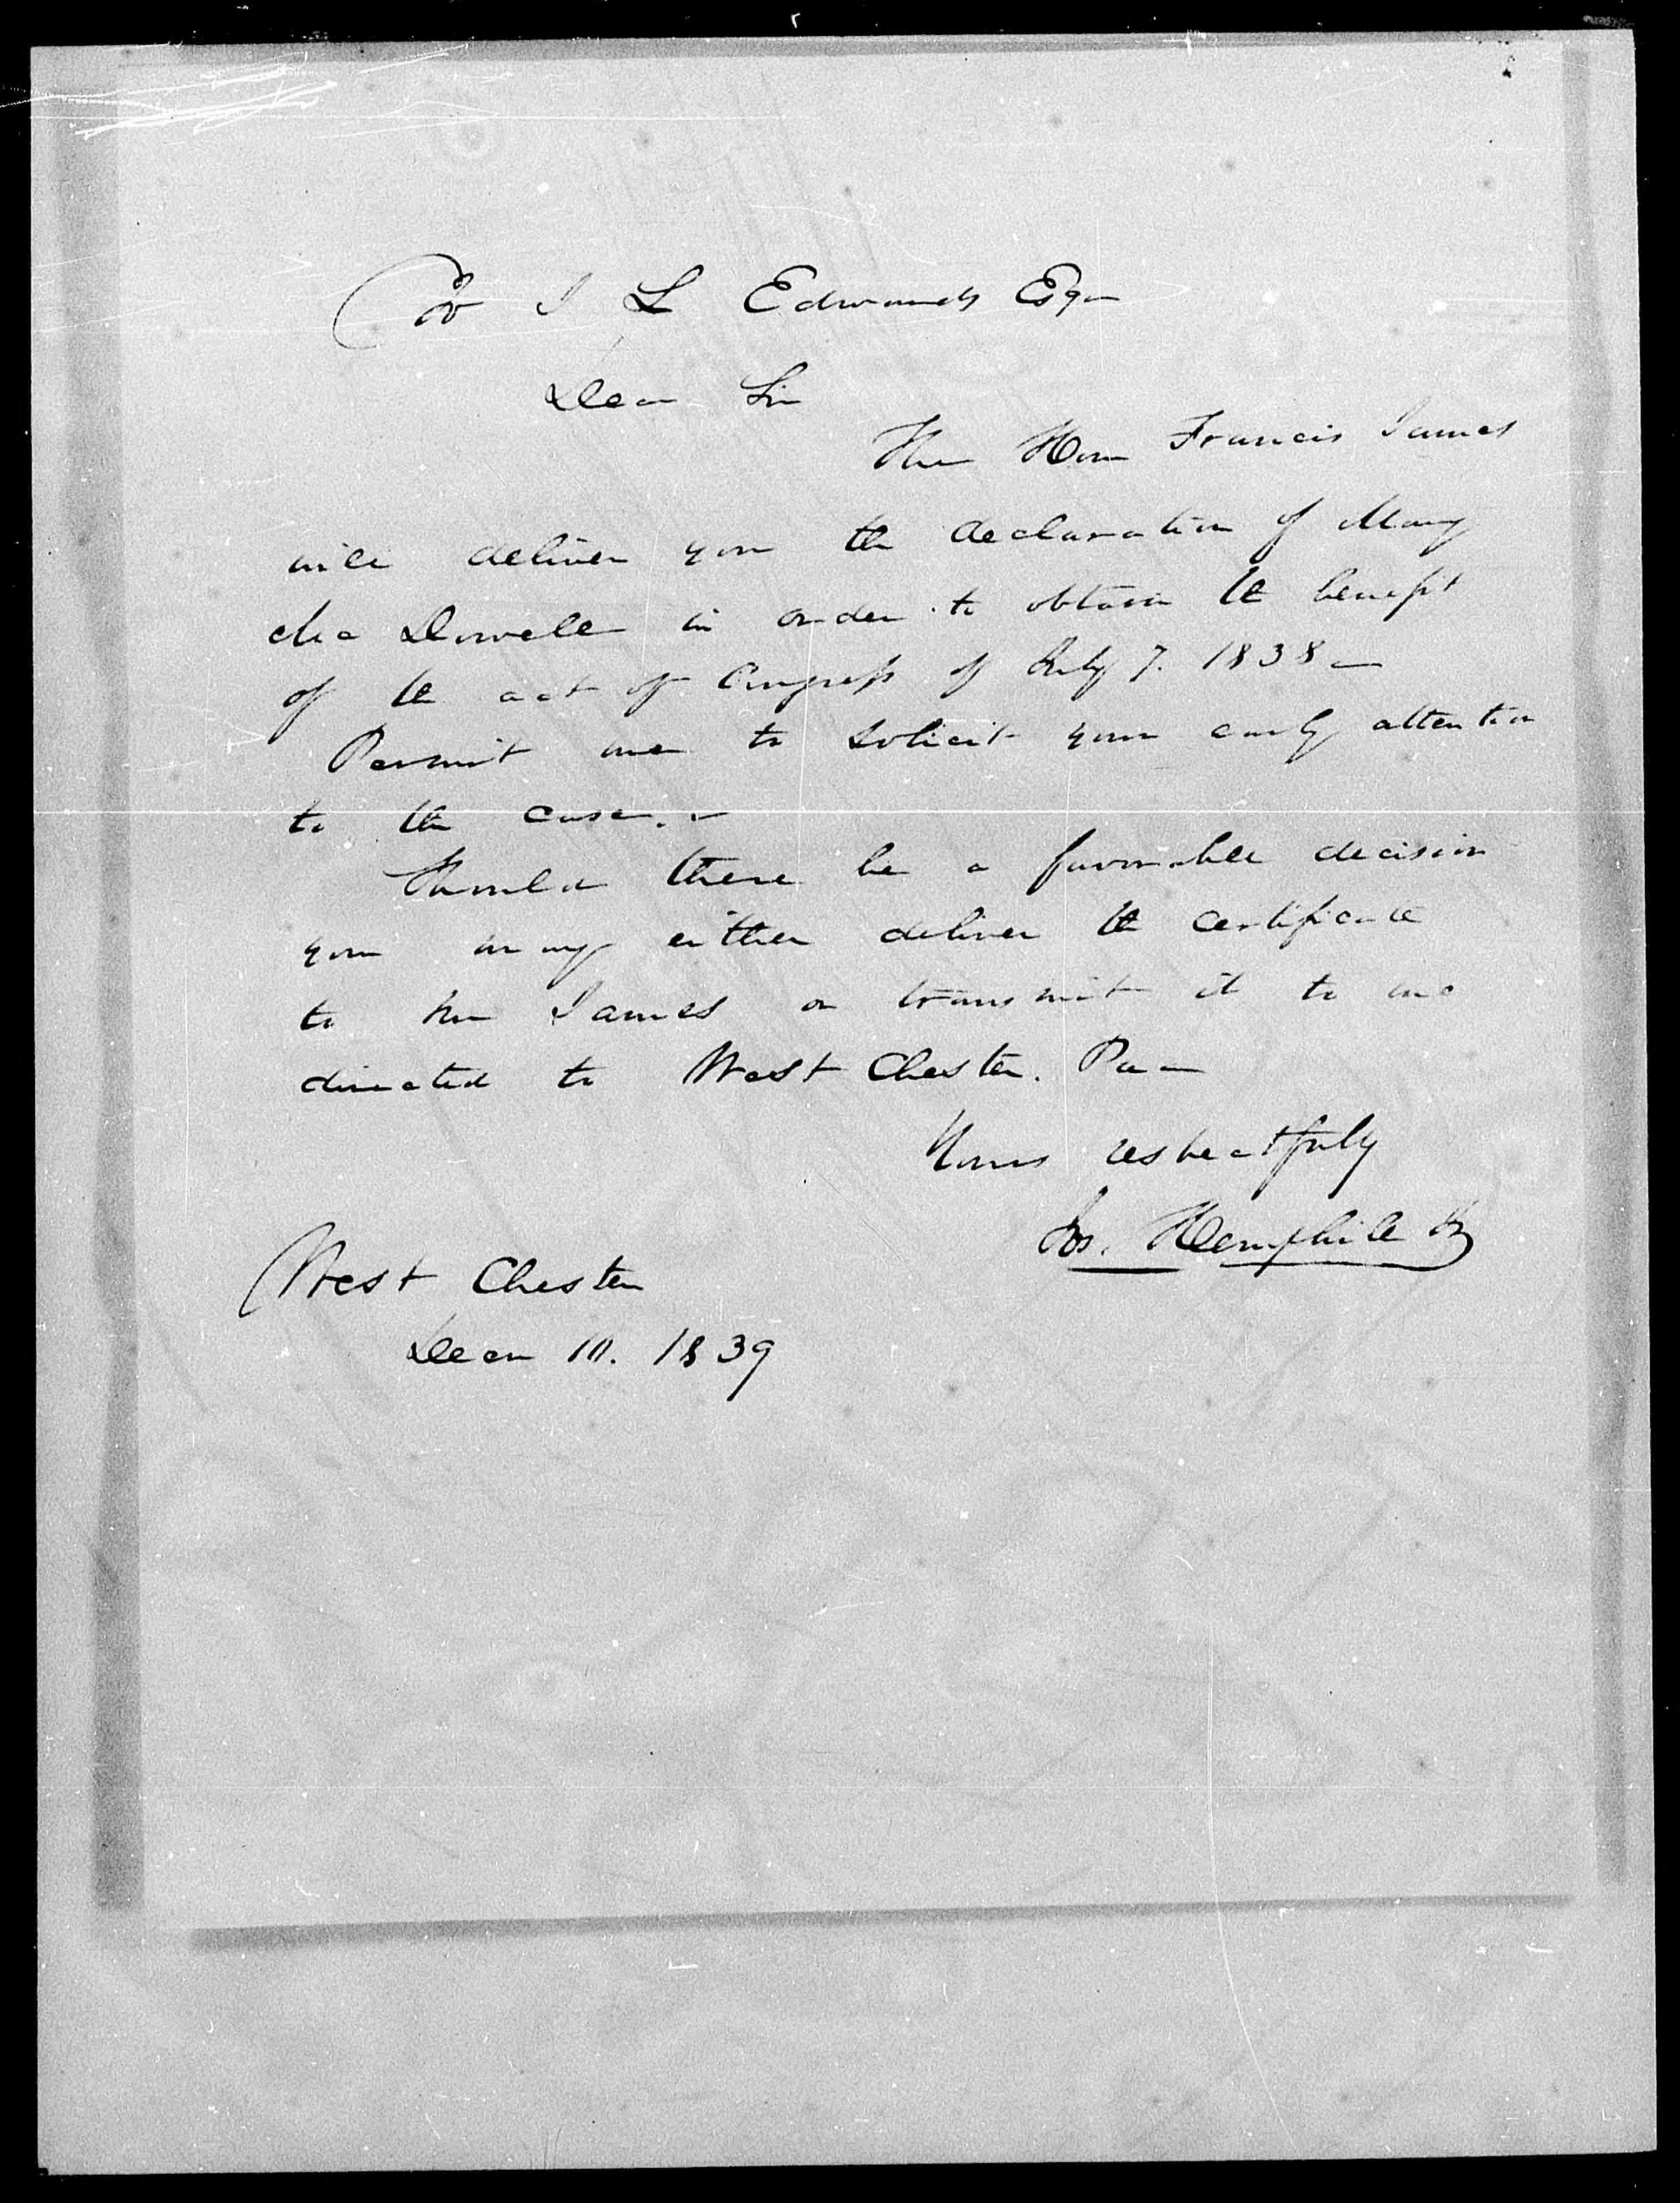[illegible] L. Edwards Esq

Dear Sir

The Hon Francis James will deliver you the declaration of Mary McDowell in order to obtain te benefit of te act of Congress of July 7. 1838--Permit us to solicit [illegible] early attention to the case.

Then let there be a [illegible] decision [illegible] either deliver the certificate to hon James or transmit it to [illegible] to West Chester. Pa.

Yours respectfully
[illegible signature]

West Chester
Dec. 10. 1839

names: Jos Hemphill; Mary Mc Dowell; J L Edwards; Francis James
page: 33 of 63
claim: widow's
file: W 2957, for Thomas Mc Dowell, Maryland